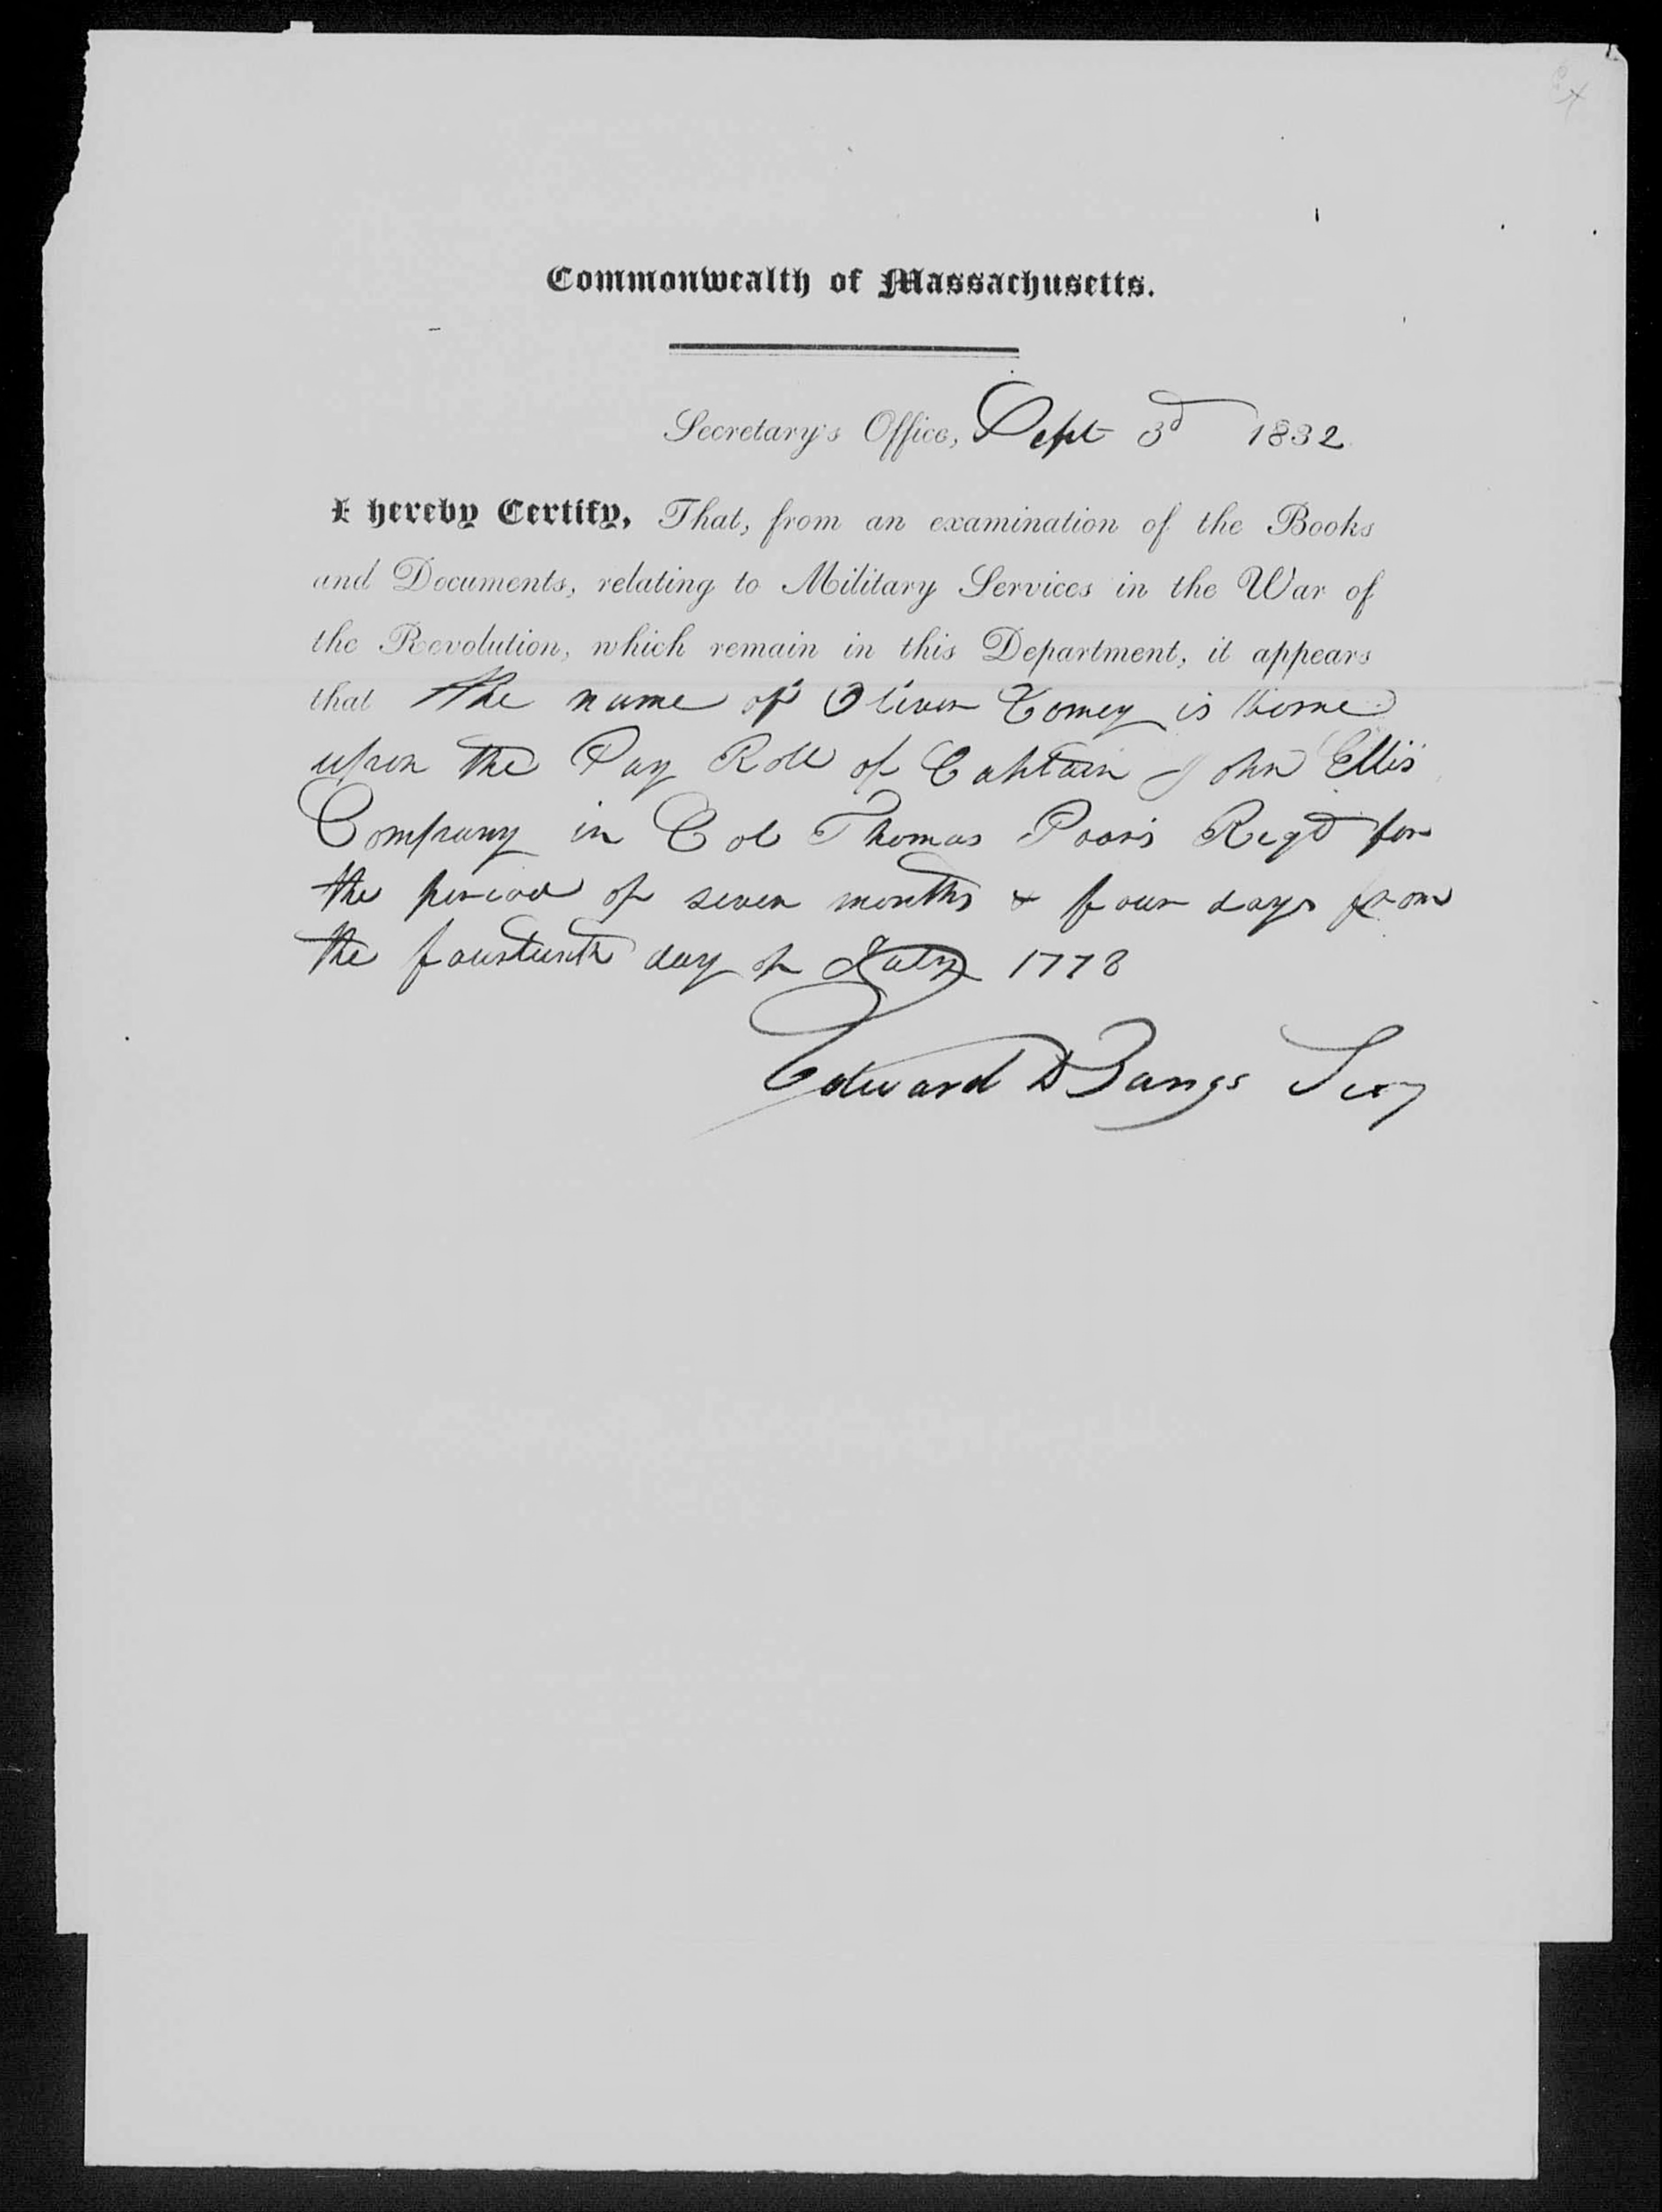Commonwealth of Massachusetts. 
————
Secretary's Office, Sept 3d 1832 
I hereby Certify, That, from an examination of the Books and Documents, relating to Military Services in the War of the Revolution, which remain in this Department, it appears that the name of Oliver Comey is shown upon the Pay Roll of Captain John Ellis company in Col Thomas Poor’s Regt for the period of seven months & four days from the fourteenth day of July 1778
Edward D Bangs Esq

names: Oliver Comey, Edward D Bangs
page: 33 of 45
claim: widow's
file: W. 14,567, Oliver Comee, Mass.